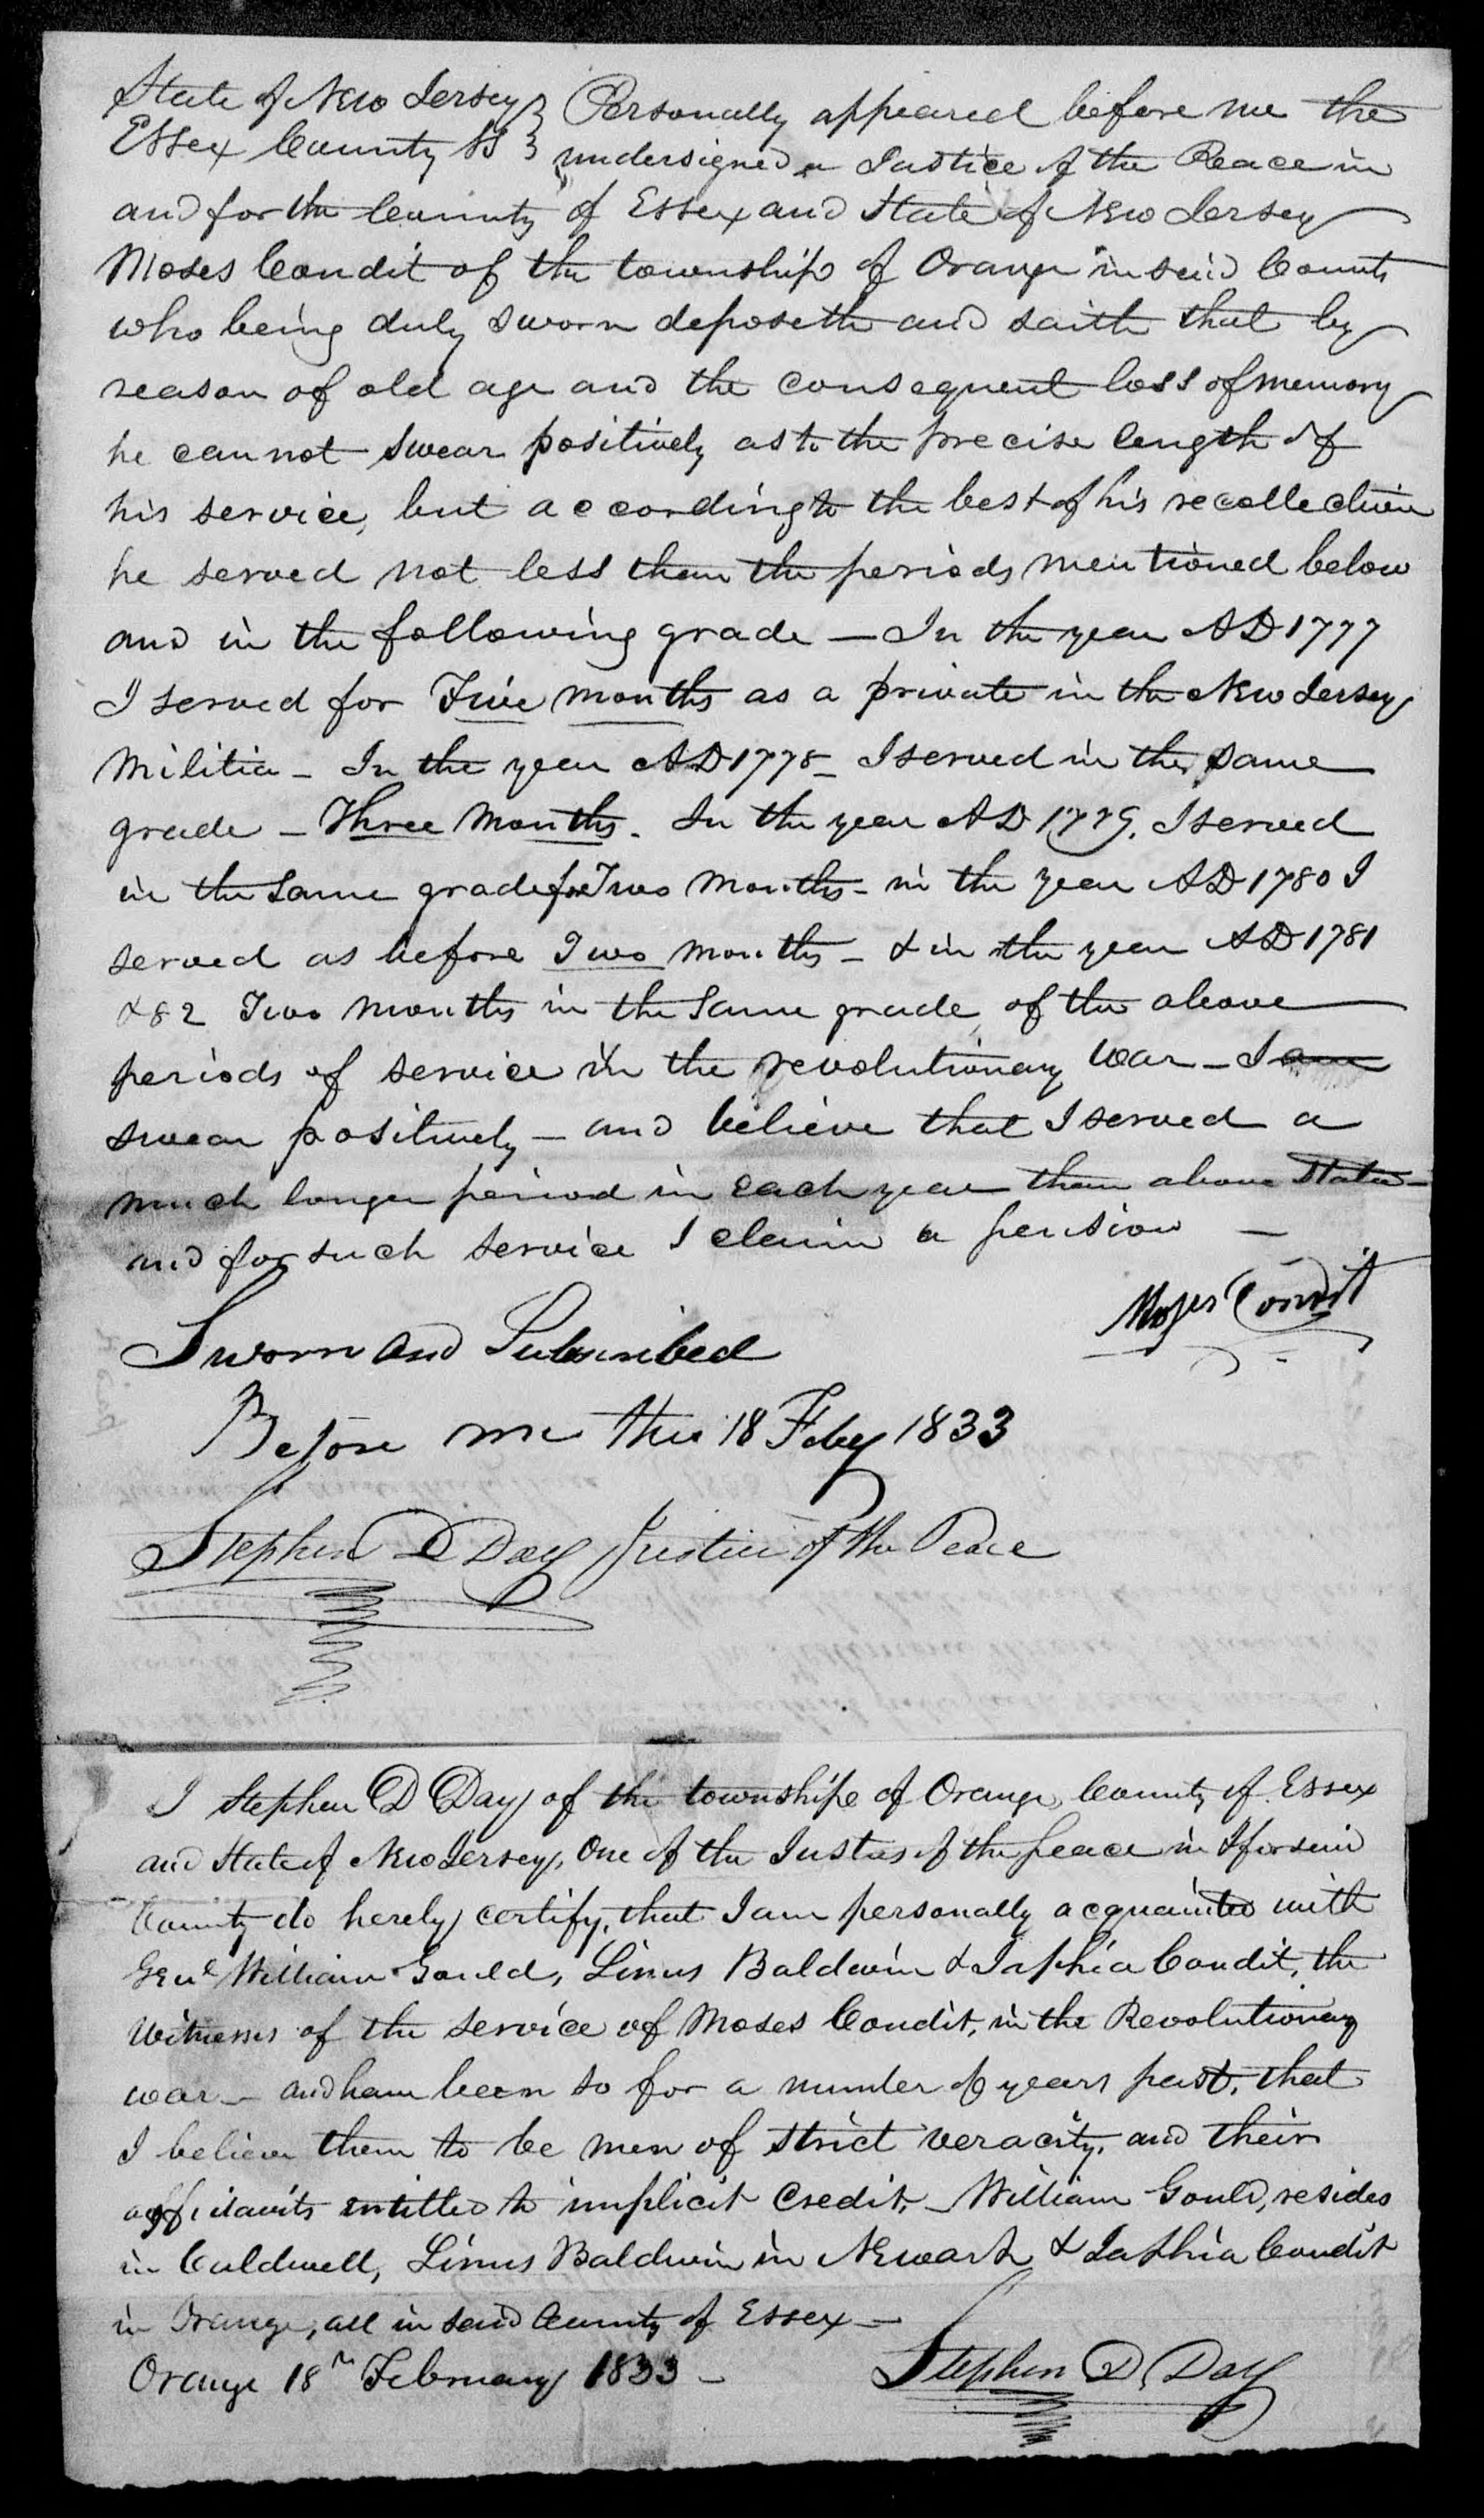[Handwritten]

State of New Jersey
Essex County    SS

Personally appeared before me the
undersigned [illegible] Justice of the Peace in
and for the County of Essex and State of New Jersey
Moses Condit of the township of Orange in said County
who being duly sworn deposeth and saith that by
reason of old age and the consequent loss of memory
he cannot Swear positively as to the precise length of
his service, but according to the best of his recollection
he served not less than the periods mentioned below
and in the following grade - In the year AD 1777
I served for Five months [last 2 words underlined] as a private in the New Jersey
Militia - In the year AD 1778 - I served in the same
grade - Three Months. [last 2 words underlined] In the year AD 1779. I served
in the same grade for Two months - in the year AD 1780 I
served as before Two [underlined] months - & in the year AD 1781
& 82 Two months in the same grade of the above
periods of service in the revolutionary war - I am [last word struck out]
swear positively - and believe that I served a
much longer period in each year than above stated-
and for such service I claim a pension -

Moses Condit
Sworn and Subscribed
Before me this 18 Feby 1833

Stephen D Day  Justice of the Peace


I Stephen D Day of the township of Orange County of Essex
and State of New Jersey, one of the Justics [sic] of the peace in aforesaid
County do hereby certify, that I am personally acquainted with
Genl William Gould, Linus Baldwin & Japhia Condit the
witnesses of the service of Moses Condit, in the Revolutionary
war - and have been so for a number of years past, that
I believe them to be men of strict veracity, and their
affidavits entitled to implicit credit. William Gould, resides
in Caldwell, Linus Baldwin in Newark & Japhia Condit
in Orange, all in said County of Essex -

Orange  18th February 1833 -

Stephen D Day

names: Linus Baldwin, Japhia Condit, William Gould, Moses Condit, William Gould, Stephen D Day, Moses Condit, Moses Condit, Japhia Condit, Stephen D Day, Linus Baldwin, Stephen D Day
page: 22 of 23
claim: survivor's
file: S. 3212, Moses Condit, New Jersey